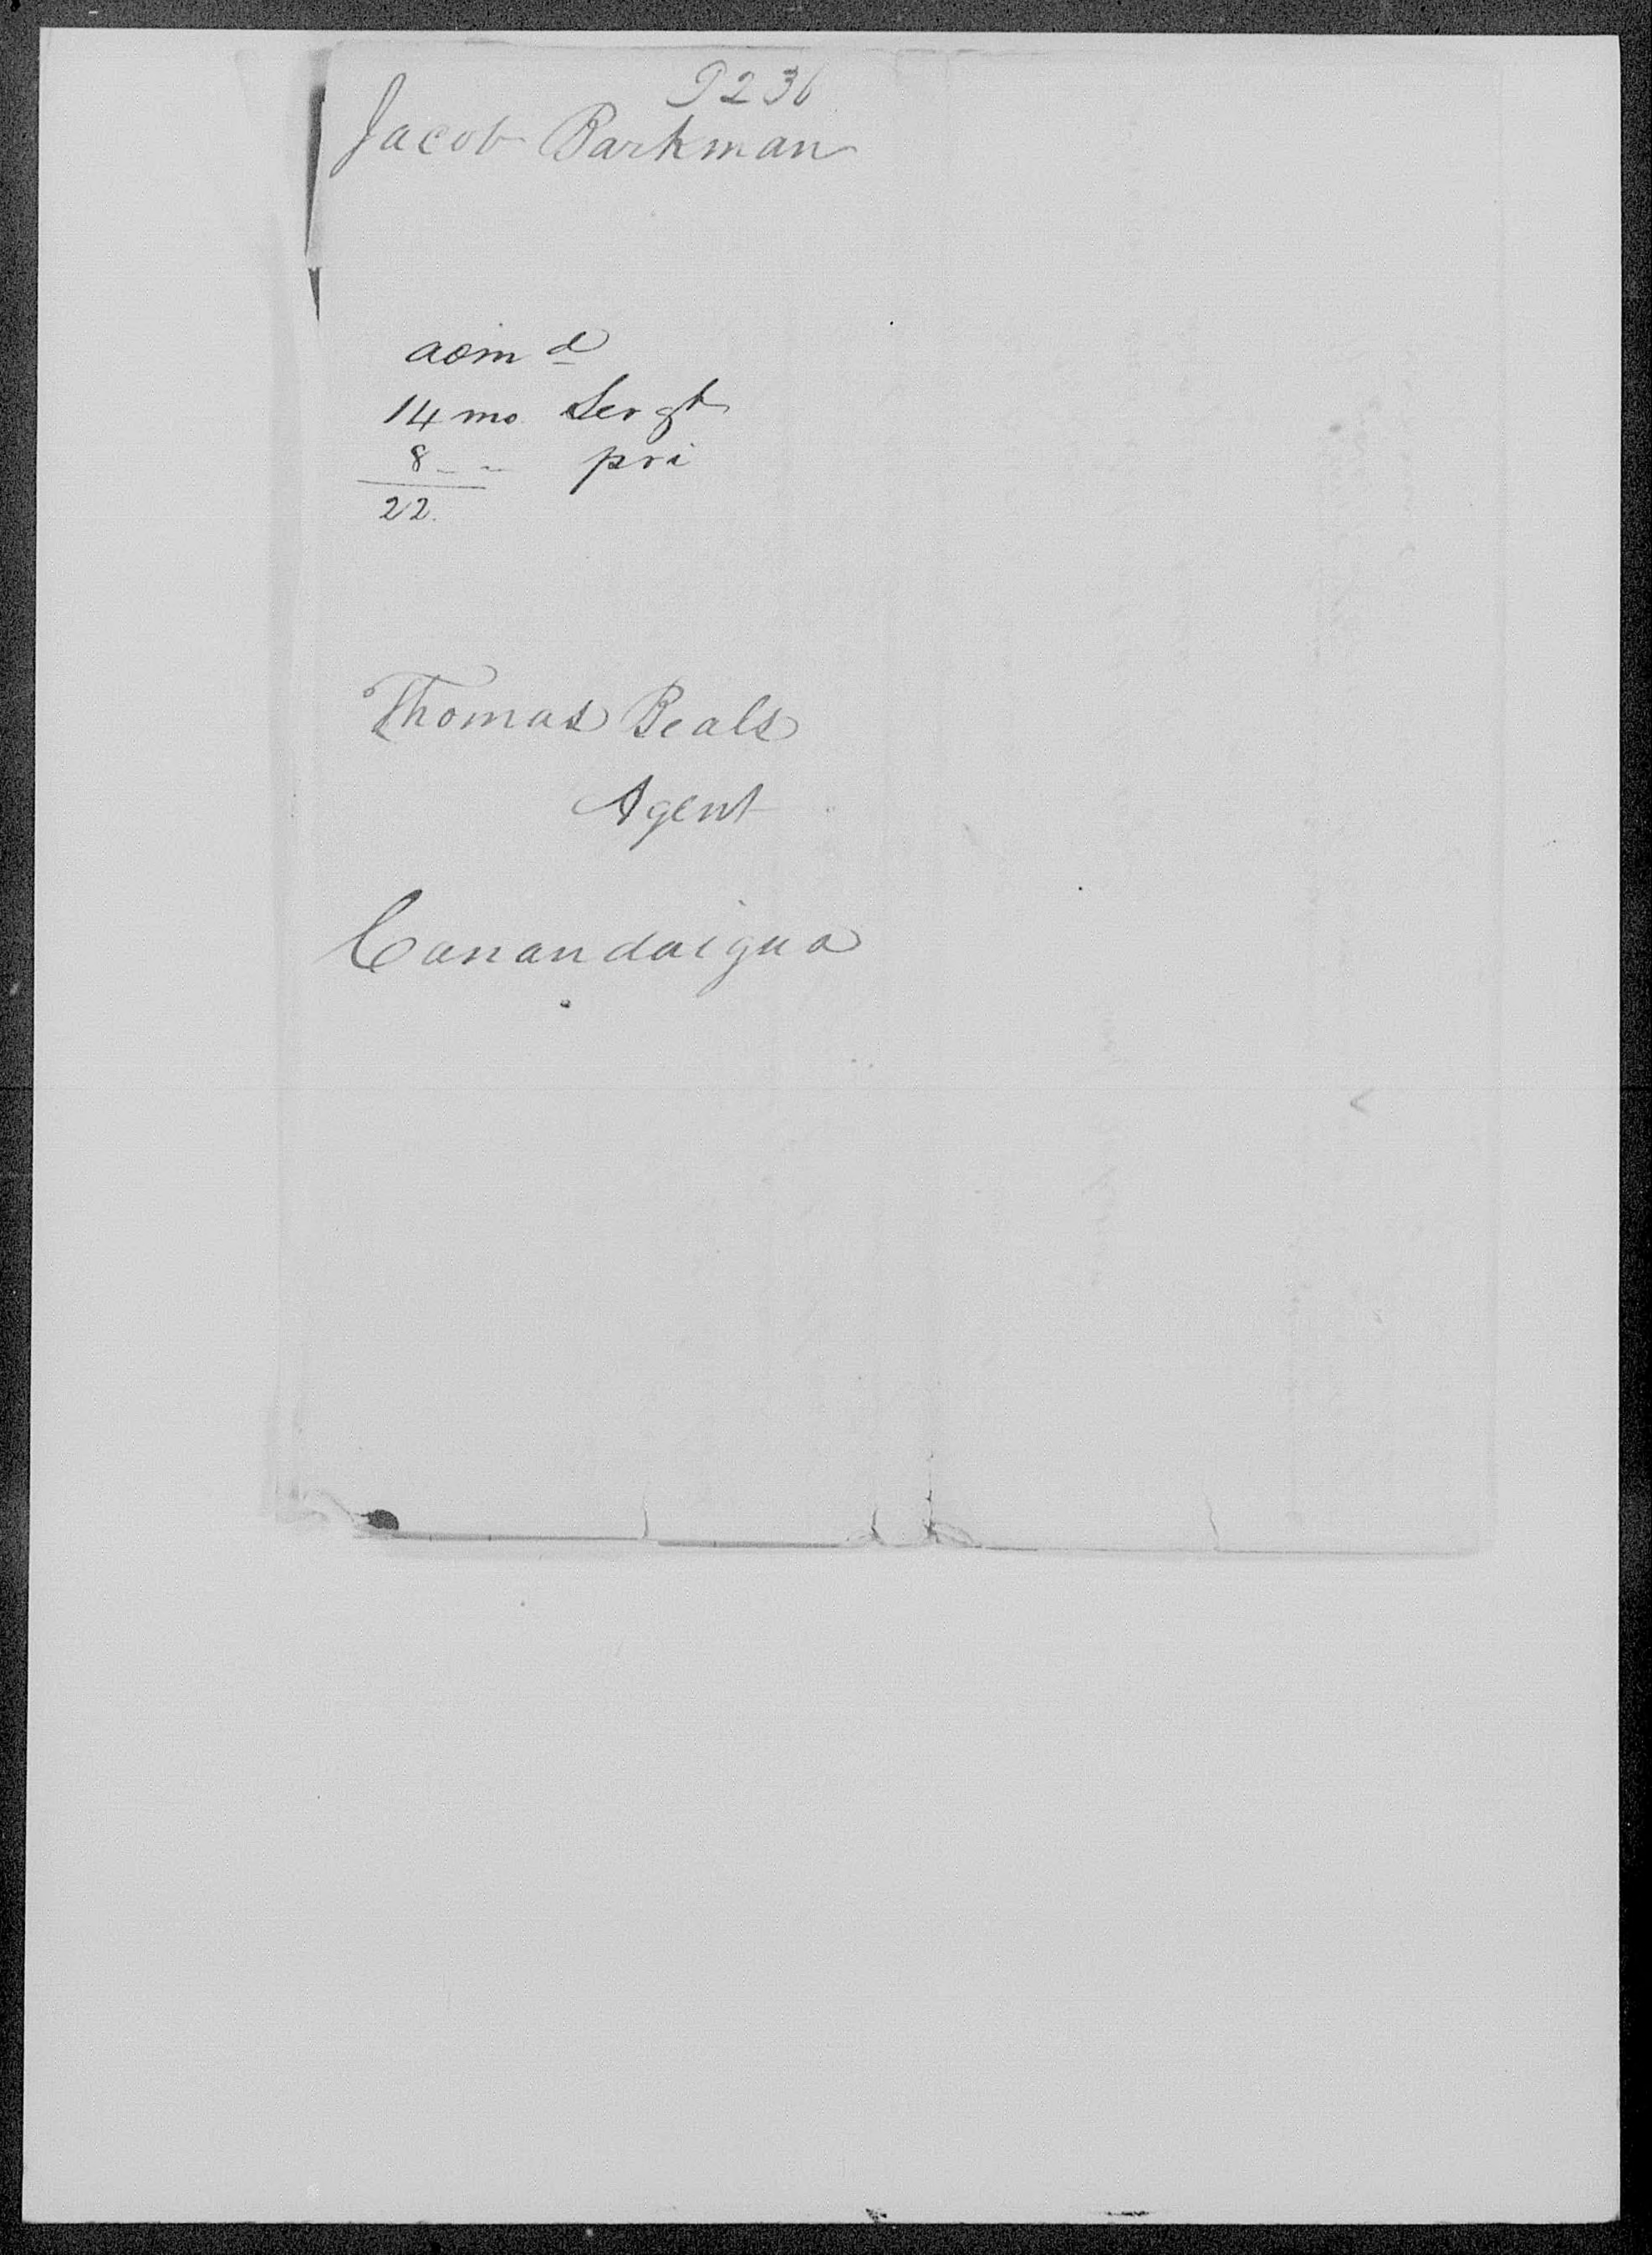9236
Jacob Barkman

14 months Sergeant
8 months Private

22

Thomas Beals
Agent

Canandaigua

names: Thomas Beals, Jacob Barkman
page: 4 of 12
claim: survivor's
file: S. 23,528, Jacob Barkman, New York